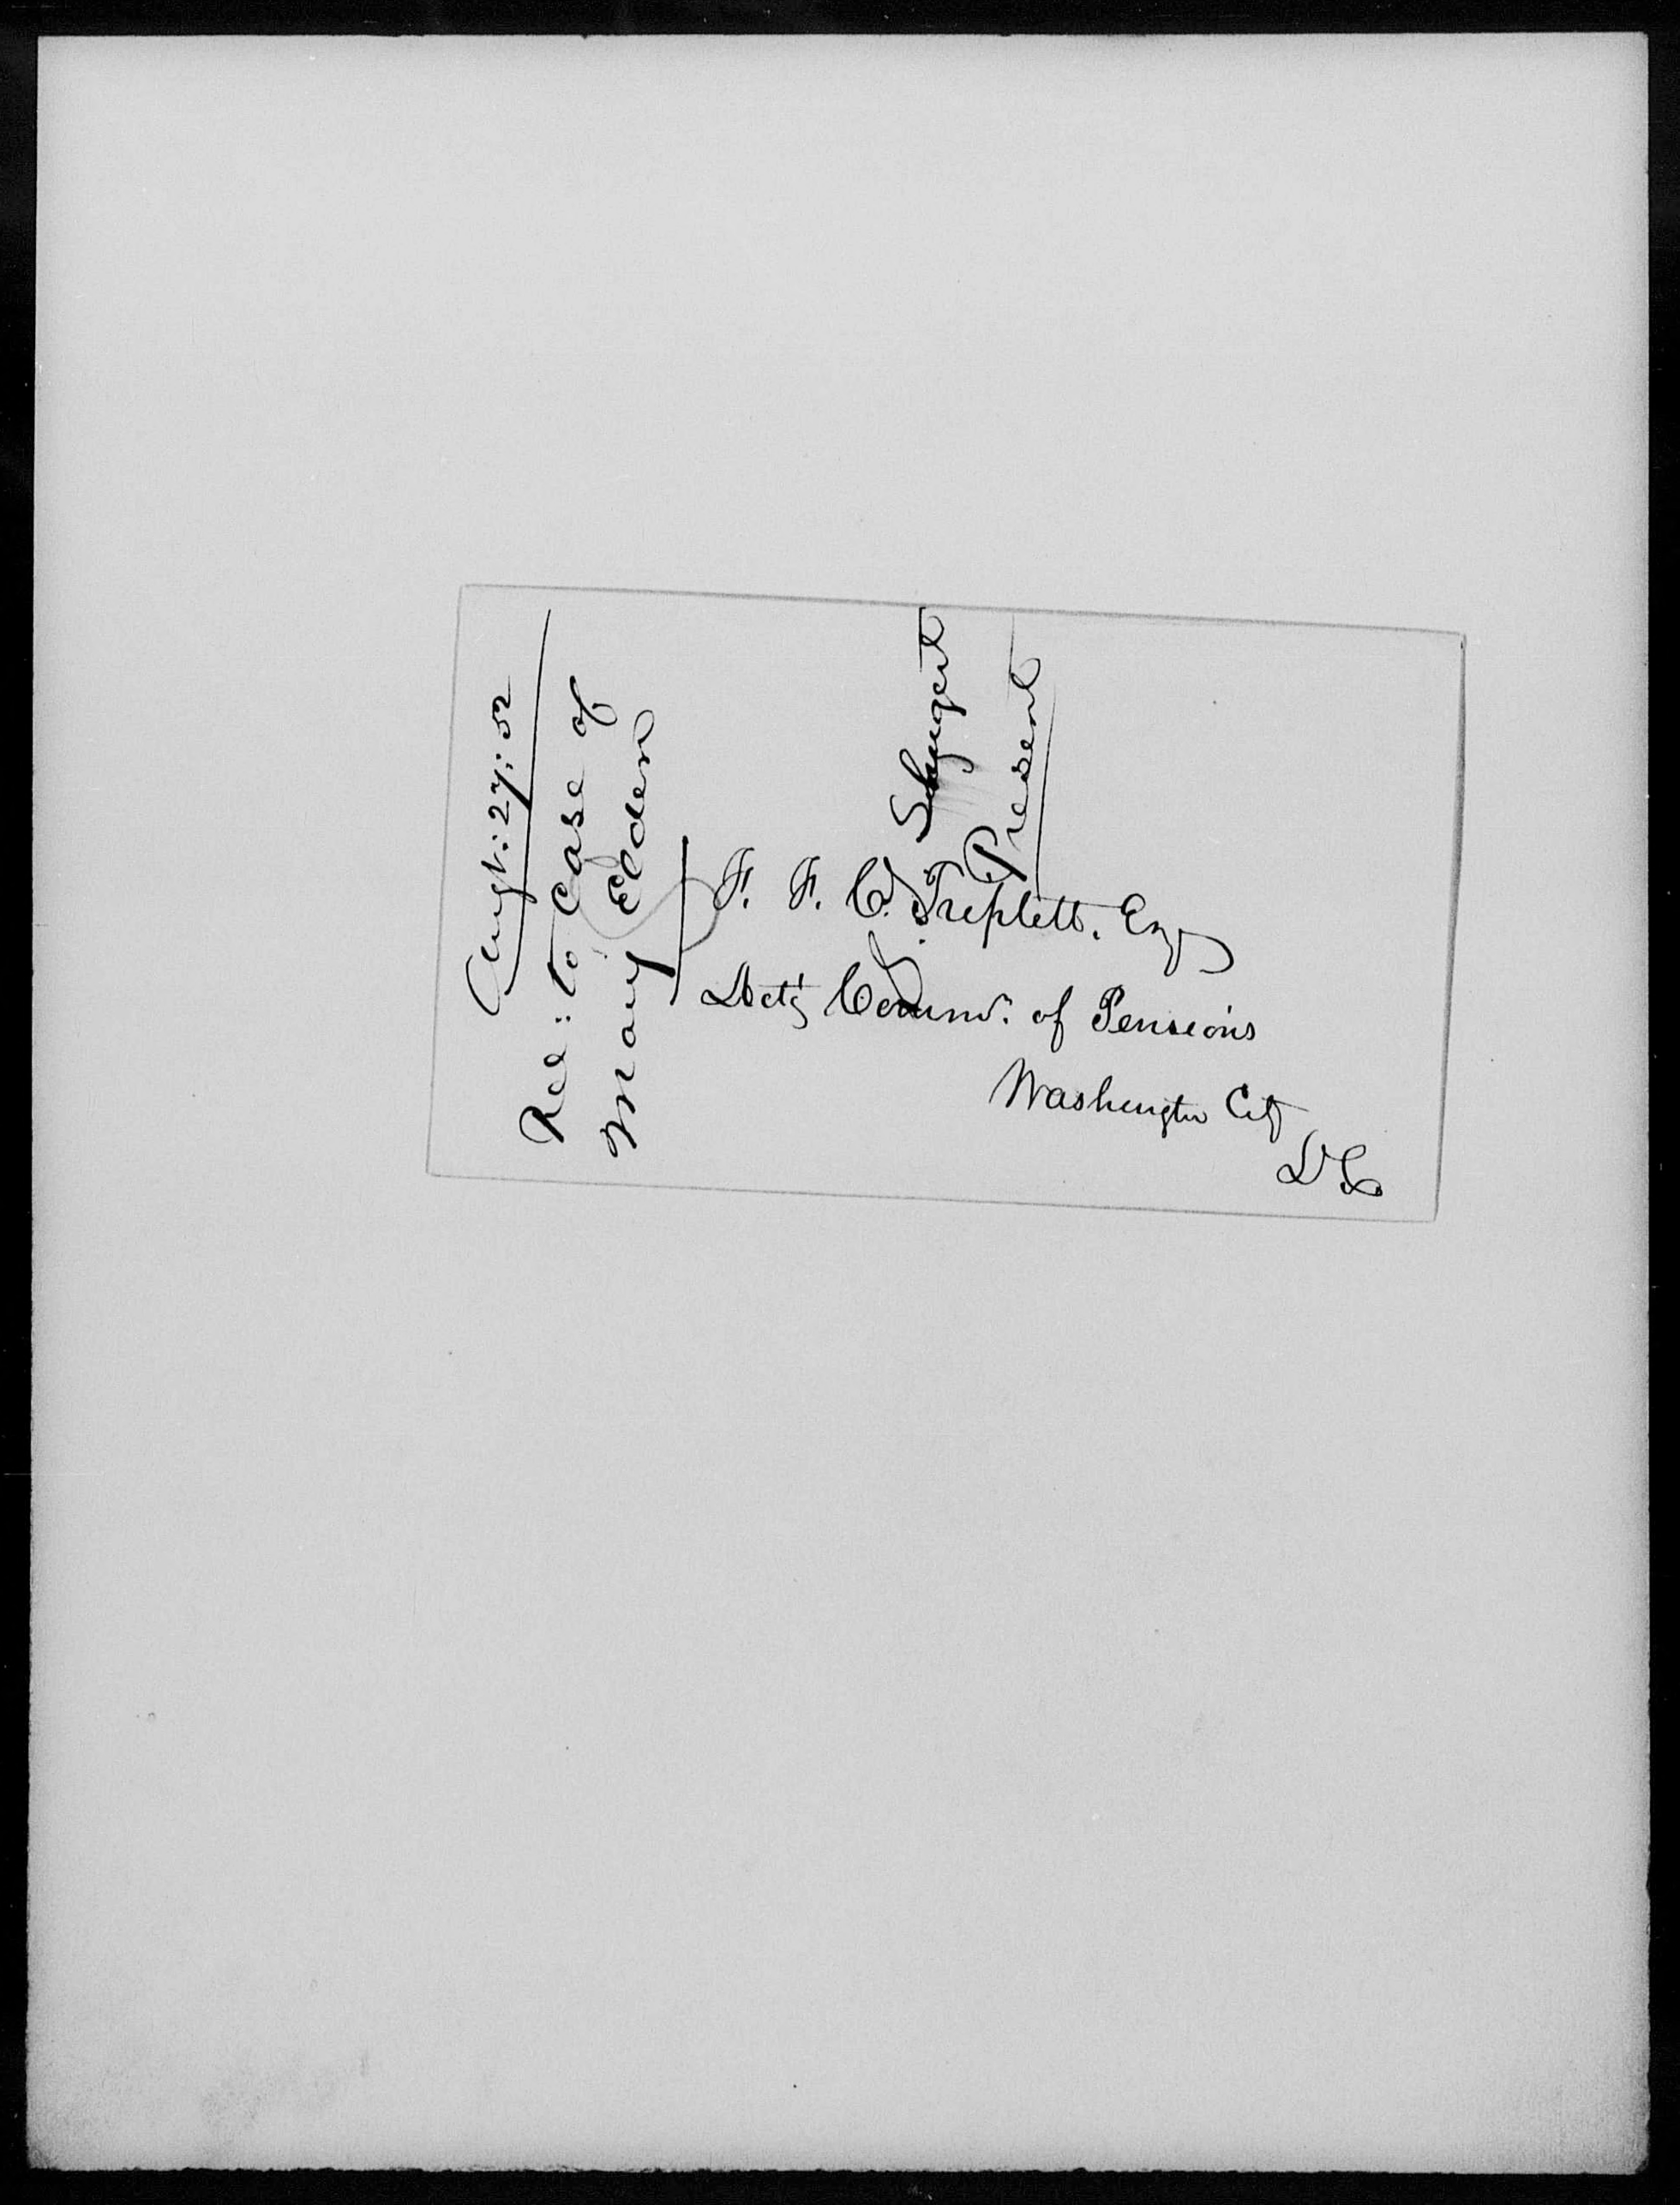[envelope, written with address in horizontal position and a listing written in vertical position on top of that address]
(addressed to)
F.F.C. Triptett, Esq
Acting Commissioner of Pensions
Washington City, D.C.
(written vertically)
Aught:24:02
Nee: to case of Mary Elder
S.L. Shugert
Present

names: S T Shugert, Mary Elder, F F C Triplett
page: 37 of 80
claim: widow's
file: W. 24117, John Elder, Penn.